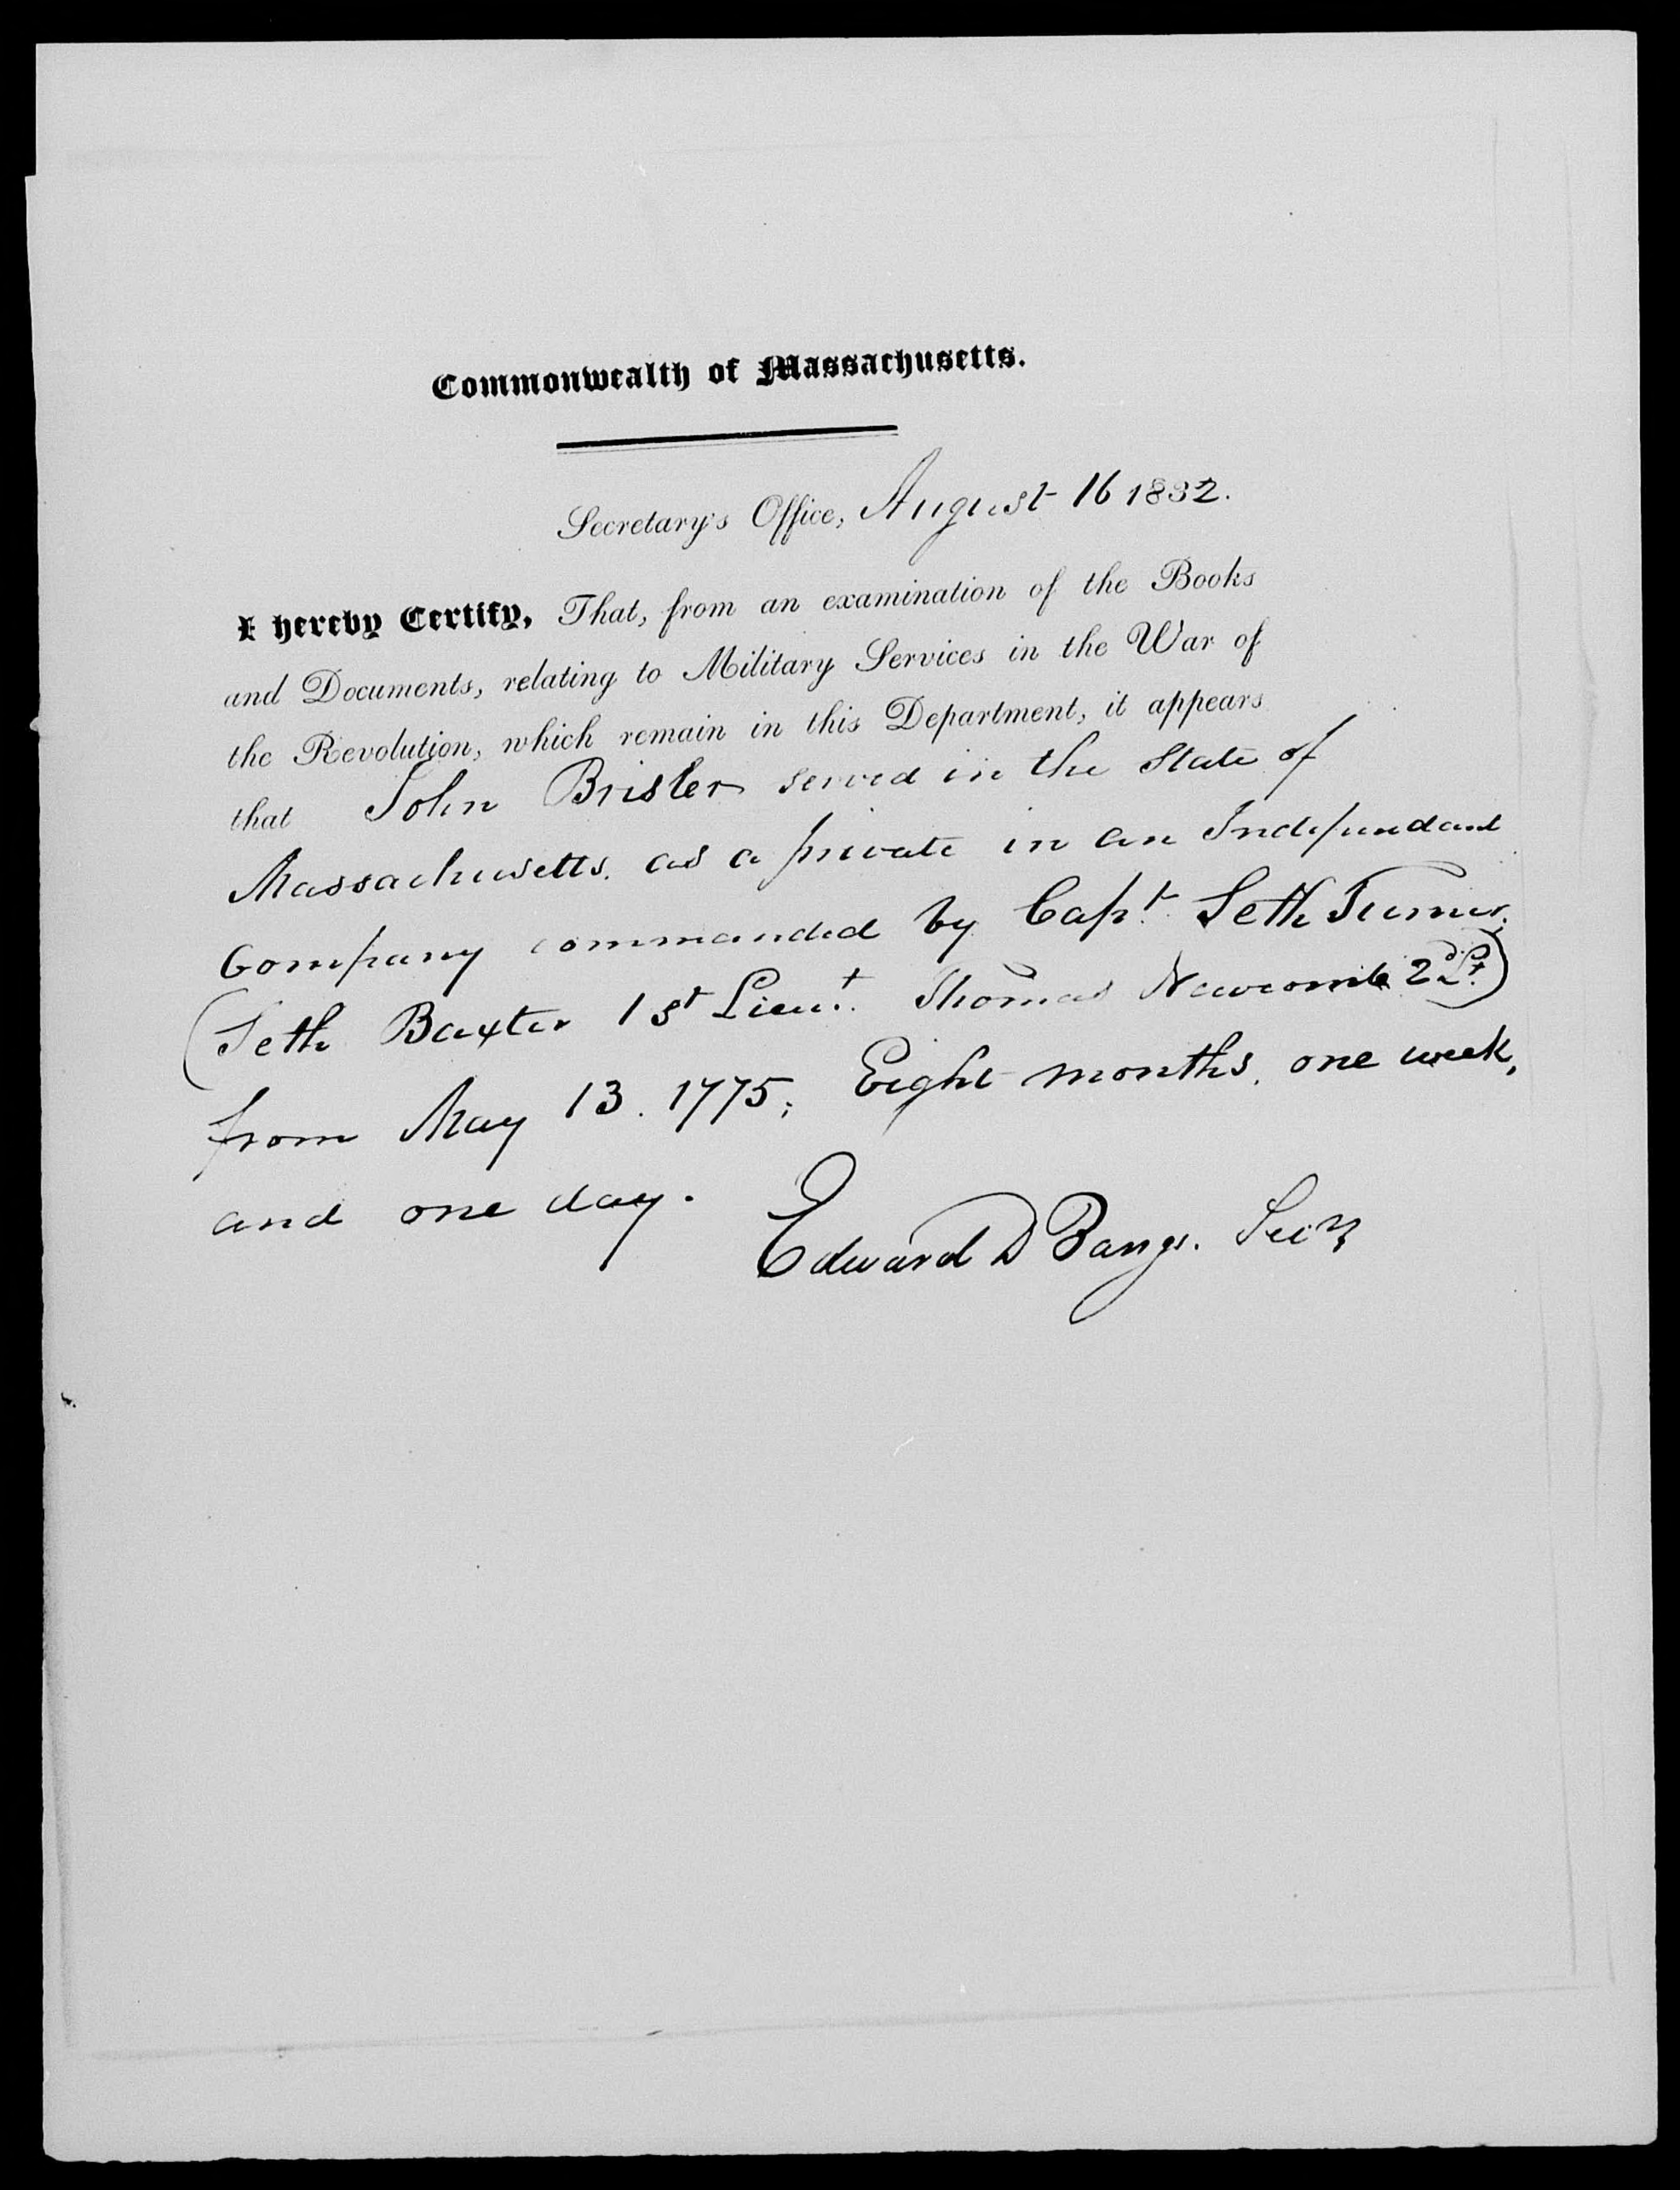Commonwealth of Massachusetts Secretary's Office August 16 1832.
I hereby Certify, that from an examination of the Books and Documents, relating to Military Service in the War of the Revolution, which remain in this Department, it appears that John Brisler served in the State of Massachusetts as a private in an Independent Company commanded by Capt. Seth Turner ( Seth Baxter 1st Lieut + Thomas Newcomb 2nd Lt) from May 13 1775; Eight months, one week, and one day.  Edward D. Bangs. [illegible]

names: Edward D Bangs, Thomas Newcomb, Seth Turner, Seth Baxter, John Brisler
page: 40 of 46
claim: widow's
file: W. 23,673, John Brisler, Mass.